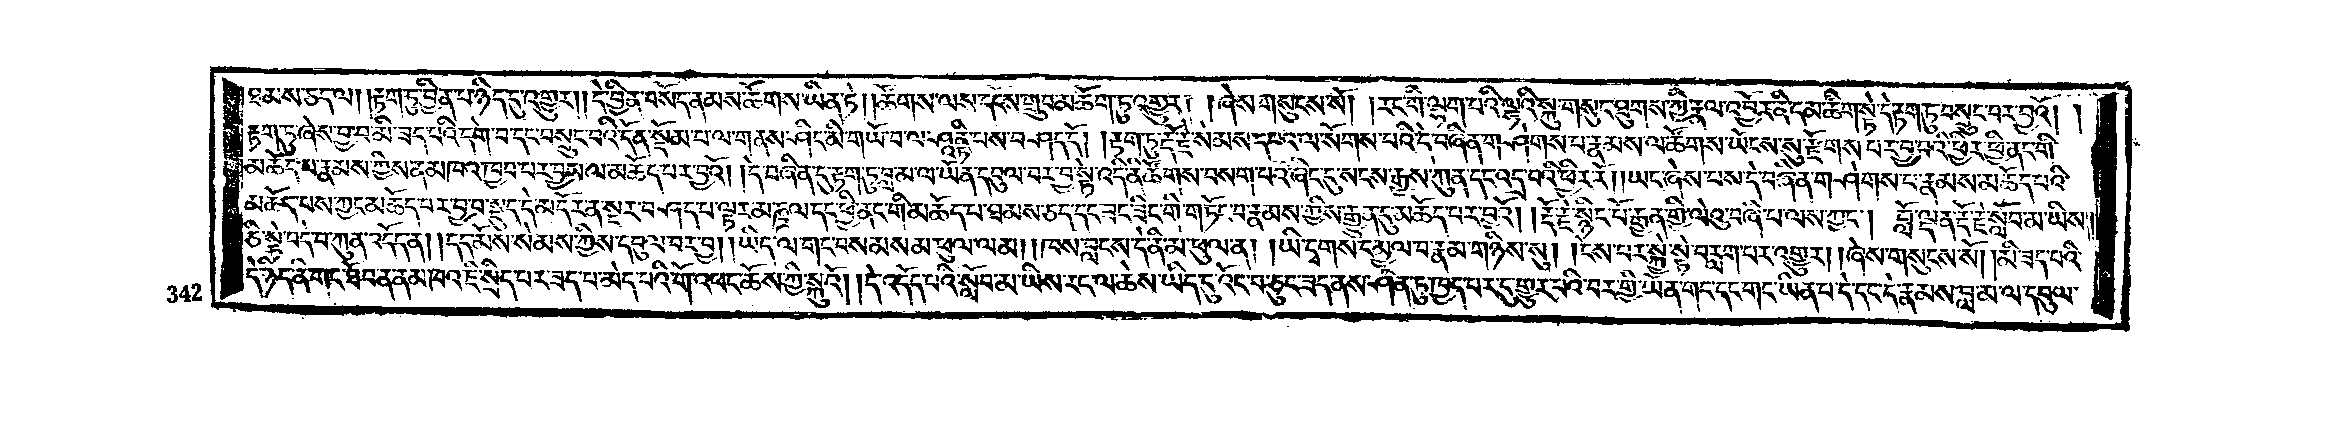ཐམས་ཅད་ལ། །རྟག་ཏུ་བྱིན་པ་ཉིད་དུ་འགྱུར། །དེ་བྱིན་བསོད་ནམས་ཚོགས་ཡིན་ཏེ། །ཚོགས་ལས་དངོས་གྲུབ་མཆོག་ཏུ་འགྱུར། །ཞེས་གསུངས་སོ། །རང་གི་ལྷག་པའི་ལྷའི་སྐུ་གསུང་ཐུགས་ཀྱི་རྣལ་འབྱོར་ནི་དམ་ཚིག་སྟེ་དེ་རྟག་ཏུ་བསྲུང་བར་བྱའོ། །
རྟག་ཏུ་ཞེས་བྱ་བ་མི་ཟད་པའི་དགེ་བ་དང་བསྲུང་བའི་དོན་སྡོམ་པ་ལ་གནས་ཤིང་མི་གཡོ་བ་ལ་ཤཱནྟི་པས་བཤད་དོ། །རྟག་ཏུ་རྡོ་རྗེ་སེམས་དཔའ་ལ་སོགས་པའི་དེ་བཞིན་གཤེགས་པ་རྣམས་ལ་ཚོགས་ཡོངས་སུ་རྫོགས་པར་བྱ་བའི་ཕྱིར་ཕྱི་ནང་གི་
མཆོད་པ་རྣམས་ཀྱིས་ནམ་མཁའ་ཁྱབ་པར་བྱས་ལ་མཆོད་པར་བྱའོ། །དེ་བཞིན་དུ་རྟག་ཏུ་བླ་མ་ལ་ཡོན་དབུལ་བར་བྱ་སྟེ་འདི་ནི་ཚོགས་བསག་པའི་ཞིང་དུ་སངས་རྒྱས་ཀུན་དང་འདྲ་བའི་ཕྱིར་རོ། །ཡང་ཞེས་པས་དེ་བཞིན་གཤེགས་པ་རྣམས་མཆོད་པའི་
མཆོད་པས་ཀྱང་མཆོད་པར་བྱ་བ་སྡུད་དེ་མདོར་ན་སྔར་བཤད་པ་ལྟར་མཎྜལ་དང་ཕྱི་ནང་གི་མཆོད་པ་ཐམས་ཅད་དང་ཟང་ཟིང་གི་གཏོང་བ་རྣམས་ཀྱིས་རྒྱུན་དུ་མཆོད་པར་བྱའོ། །རྡོ་རྗེ་སྙིང་པོ་རྒྱན་གྱི་ལེའུ་བཞི་པ་ལས་ཀྱང་། བློ་ལྡན་རྡོ་རྗེ་སློབ་མ་ཡིས།།
ཅི་སྟེ་བདེ་བ་ཀུན་འདོད་ན། །དད་མོས་སེམས་ཀྱིས་དབུལ་བར་བྱ། །ཡིད་ལ་གང་བསམས་མ་ཕུལ་ལམ། །ཁས་བླངས་དེ་ནི་མ་ཕུལ་ན། །ཡི་དྭགས་དམྱལ་བ་རྣམ་གཉིས་སུ། །ངེས་པར་སྐྱེ་སྟེ་བརླག་པར་འགྱུར། །ཞེས་གསུངས་སོ། །མི་ཟད་པའི་
དེ་ཉིད་ནི་གང་ཐོབ་ན་ནམ་མཁའ་ཇི་སྲིད་པར་ཟད་པ་མེད་པའི་གོ་འཕང་ཆོས་ཀྱི་སྐུའོ། །དེ་འདོད་པའི་སློབ་མ་ཡིས་རང་ལ་ཆེས་ཡིད་དུ་འོང་བ་ཅུང་ཟད་ནས་ཤིན་ཏུ་ཁྱད་པར་དུ་གྱུར་པའི་བར་གྱི་ཡོན་གང་དང་གང་ཡིན་པ་དེ་དང་དེ་རྣམས་བླ་མ་ལ་དབུལ་